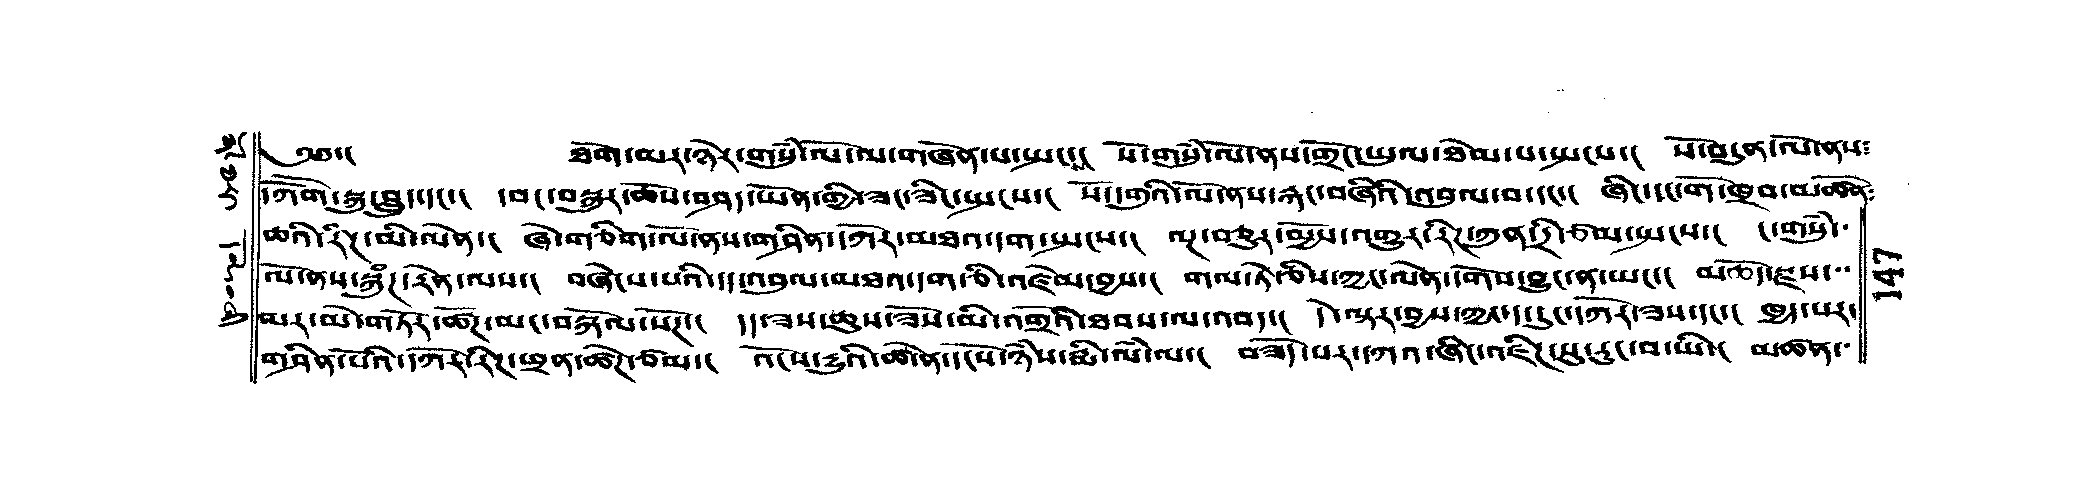།ཐོག་མར་ཉེར་གསུམ་ལོ་ལ་གཞོན་པ་སྤངས། །སོ་གསུམ་ལོ་ནས་གྲོང་ཡུལ་ཐེམ་པ་སྤངས། །སོ་བདུན་ལོ་ནས་
དཀོན་མཆོག་སྐུ་བླུད་དང་། །དབང་བསྐུར་ཆོས་བཤད་ཡོན་གྱི་ཟང་ཟིང་སྤངས། །སོ་དགུའི་ལོ་ནས་རྐང་བཞིའི་འབུལ་བ་དང་། །ཞིང་དང་གོ་ཁྲབ་མཚོན་
ཆའི་རིགས་མི་ལེན། །ཞེ་གཅིག་ལོ་ནས་གཤིན་དཀོར་མཐའ་དག་སྤངས། །ལྔ་བཅུར་མྱོས་འགྱུར་རིགས་ཀུན་དྲི་ཙམ་སྤངས། །ང་གསུམ་
ལོ་ནས་སྐུ་གསུང་ཐུགས་རྟེན་ལས། །བཞེངས་པའི་དད་འབུལ་མཐའ་དག་ཅི་འཛེམས་བྱས། །གལ་ཏེ་ཅིས་ཀྱང་ལེན་དགོས་བྱུང་ན་ཡང་། །མཆོད་རྫས་
མར་མེ་གཏོར་ཚོགས་མང་བསྐོལ་སོགས། །དད་ཟས་ཆུས་ཟོས་མི་འགྲོའི་ཐབས་ལ་འབད། །དེ་ལྟར་བྱས་ཀྱང་ད་དུང་དཀོར་ཟས་དང་། །ཁྱད་པར་
གཤིན་པོའི་དཀོར་རིགས་ཕྲན་ཚེགས་ཙམ། །འོང་རྒྱུའི་ཚེ་ན་དངོས་ཉམས་རྨི་ལམ་ལ། །བཟོད་པར་དཀའ་ཞིང་འཇིགས་སུ་རུང་བ་ཡི། །མཚན་